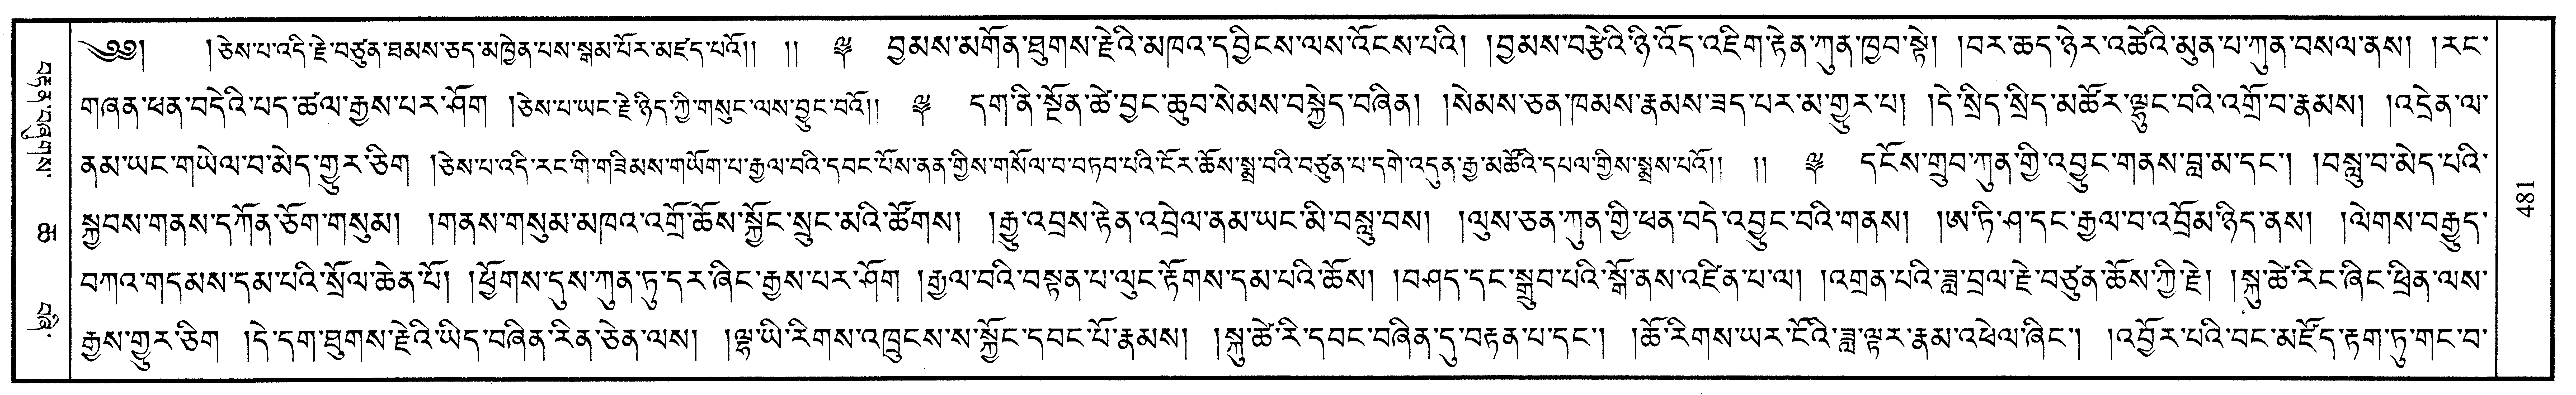༄༅། །ཅེས་པ་འདི་རྗེ་བཙུན་ཐམས་ཅད་མཁྱེན་པས་སྒམ་པོར་མཛད་པའོ།། །། ༈ བྱམས་མགོན་ཐུགས་རྗེའི་མཁའ་དབྱིངས་ལས་འོངས་པའི། །བྱམས་བརྩེའི་ཉི་འོད་འཇིག་རྟེན་ཀུན་ཁྱབ་སྟེ། །བར་ཆད་ཉེར་འཚེའི་མུན་པ་ཀུན་བསལ་ནས། །རང་
གཞན་ཕན་བདེའི་པད་ཚལ་རྒྱས་པར་ཤོག །ཅེས་པ་ཡང་རྗེ་ཉིད་ཀྱི་གསུང་ལས་བྱུང་བའོ།། ༈ དག་ནི་སྔོན་ཚེ་བྱང་ཆུབ་སེམས་བསྐྱེད་བཞིན། །སེམས་ཅན་ཁམས་རྣམས་ཟད་པར་མ་གྱུར་པ། །དེ་སྲིད་སྲིད་མཚོར་ལྷུང་བའི་འགྲོ་བ་རྣམས། །འདྲེན་ལ་
ནམ་ཡང་གཡེལ་བ་མེད་གྱུར་ཅིག །ཅེས་པ་འདི་རང་གི་གཟིམས་གཡོག་པ་རྒྱལ་བའི་དབང་པོས་ནན་གྱིས་གསོལ་བ་བཏབ་པའི་ངོར་ཆོས་སྨྲ་བའི་བཙུན་པ་དགེ་འདུན་རྒྱ་མཚོའི་དཔལ་གྱིས་སྨྲས་པའོ།། །། ༈ དངོས་གྲུབ་ཀུན་གྱི་འབྱུང་གནས་བླ་མ་དང་། །བསླུ་བ་མེད་པའི་
སྐྱབས་གནས་དཀོན་ཅོག་གསུམ། །གནས་གསུམ་མཁའ་འགྲོ་ཆོས་སྐྱོང་སྲུང་མའི་ཚོགས། །རྒྱུ་འབྲས་རྟེན་འབྲེལ་ནམ་ཡང་མི་བསླུ་བས། །ལུས་ཅན་ཀུན་གྱི་ཕན་བདེ་འབྱུང་བའི་གནས། །ཨ་ཏི་ཤ་དང་རྒྱལ་བ་འབྲོམ་ཉིད་ནས། །ལེགས་བརྒྱུད་
བཀའ་གདམས་དམ་པའི་སྲོལ་ཆེན་པོ། །ཕྱོགས་དུས་ཀུན་ཏུ་དར་ཞིང་རྒྱས་པར་ཤོག །རྒྱལ་བའི་བསྟན་པ་ལུང་རྟོགས་དམ་པའི་ཆོས། །བཤད་དང་སྒྲུབ་པའི་སྒོ་ནས་འཛིན་པ་ལ། །འགྲན་པའི་ཟླ་བྲལ་རྗེ་བཙུན་ཆོས་ཀྱི་རྗེ། །སྐུ་ཚེ་རིང་ཞིང་ཕྲིན་ལས་
རྒྱས་གྱུར་ཅིག །དེ་དག་ཐུགས་རྗེའི་ཡིད་བཞིན་རིན་ཅེན་ལས། །ལྷ་ཡི་རིགས་འཁྲུངས་ས་སྐྱོང་དབང་པོ་རྣམས། །སྐུ་ཚེ་རི་དབང་བཞིན་དུ་བརྟན་པ་དང་། །ཆོ་རིགས་ཡར་ངོའི་ཟླ་ལྟར་རྣམ་འཕེལ་ཞིང་། །འབྱོར་པའི་བང་མཛོད་རྟག་ཏུ་གང་བ་